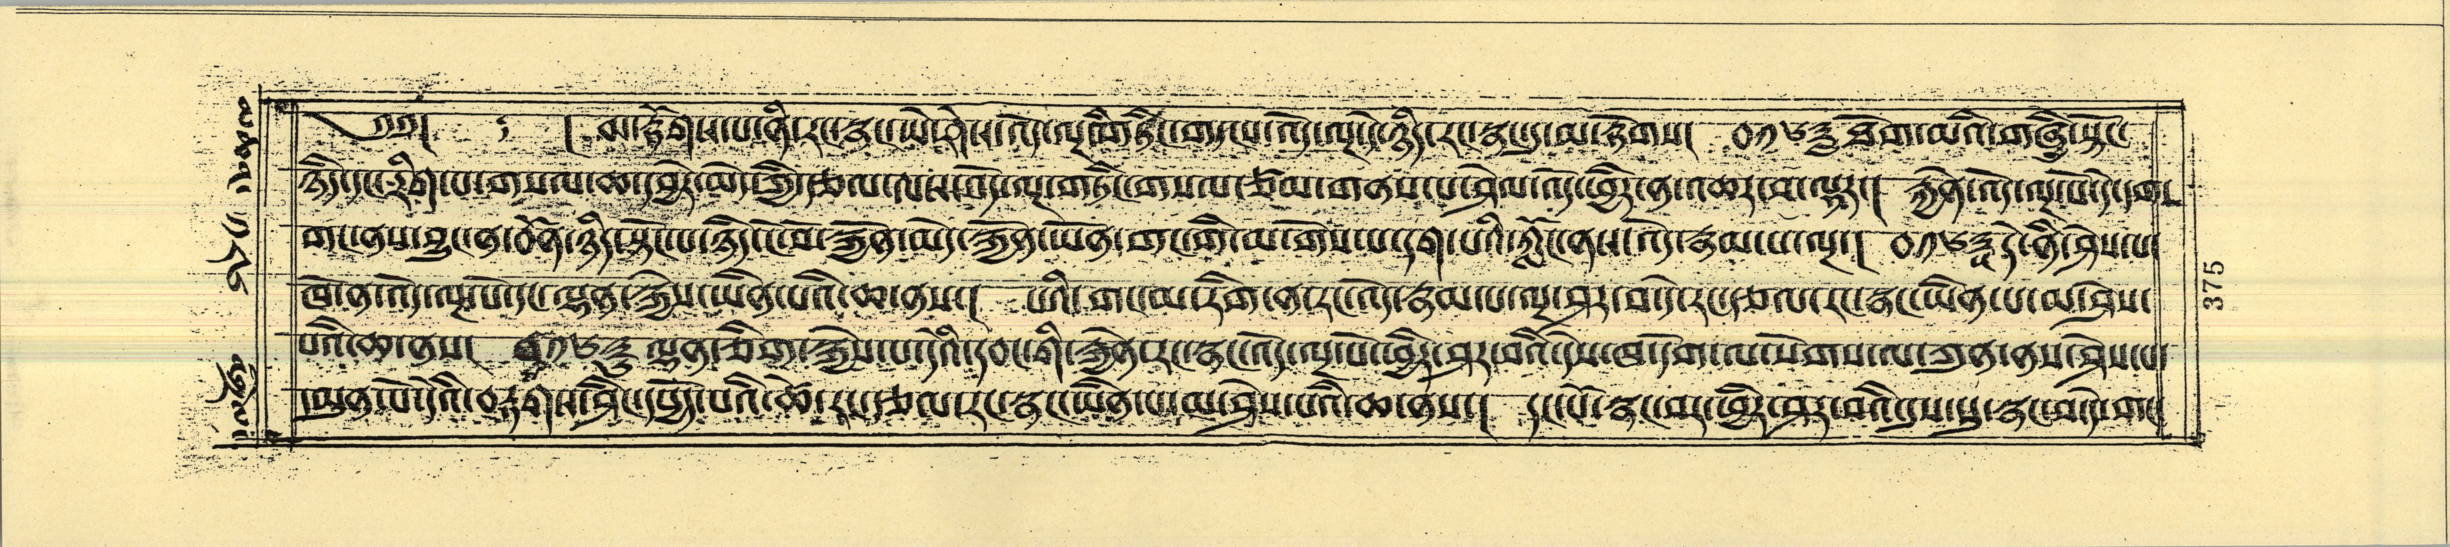མ་རྟོགས་པ་ནི་རང་སྣང་ཡེ་ཤེས་འོད་ལྔའི་གཏིང་གདངས་འོད་ལྔ་དེ་ཉིད་རང་སྣང་དུ་མ་རྟོགས། བ༡༦༣།༤ ཐོག་མའི་གཞི་སྟོང་
ཉིད་དང་རིག་པ་གསལ་ཆ་དབྱེར་མེད་ཀྱི་རྩལ་ལས་འོད་ལྔ་གཏིང་གསལ་ཙམ་གནས་པ་ཤེལ་འོད་ཕྱིར་ན་འཆར་བ་ལྟར། རྐྱེན་འོད་ལྔ་པོ་དེ་དག་
གང་ནས་བྱུང་ན་བོན་ཉིད་སྟོང་པ་ཉིད་ངོ་བོ་སྐྱོན་མེད་སྐྱོན་ཡོན་གང་གི་མ་གོས་པ་དག་པའི་ཀློང་ནས་འོད་རྣམ་པ་ལྔ། བ༡༦༣།༥ དེ་ནི་ཤེས་པ་
ཁོ་ན་འོད་ལྔ་པོ་དང་ལྷན་སྐྱེས་ཡིན་པའི་ཆ་ནས། པའི་གང་མ་རིག་ན་རང་འོད་རྣམ་པ་ལྔ་ཤར་བ་དེ་རང་རྩལ་རང་སྣང་ཡིན་པ་མ་ཤེས་
པའི་ཆ་ནས། བ༡༦༣།༦ ལྷན་ཅིག་སྐྱེས་པ་དེའི་དབང་གི་རྐྱེན་རང་སྣང་འོད་ལྔ་པོ་ཕྱིར་ཤར་བའི་དེས་ཁ་དོག་ལ་སོགས་ལ་ཀུན་ནས་ཤེས་པ་
དམུན་པོ་དེའི་བརྟགས་ཤིང་དཔྱོད་པའི་ཚེ་རང་རྩལ་རང་སྣང་ཡིན་པ་མ་ཤེས་པའི་ཆ་ནས། དང་པོ་སྣང་བར་ཕྱིར་ཤར་བའི་དུས་སུ་སྣང་བ་དེ་ག་